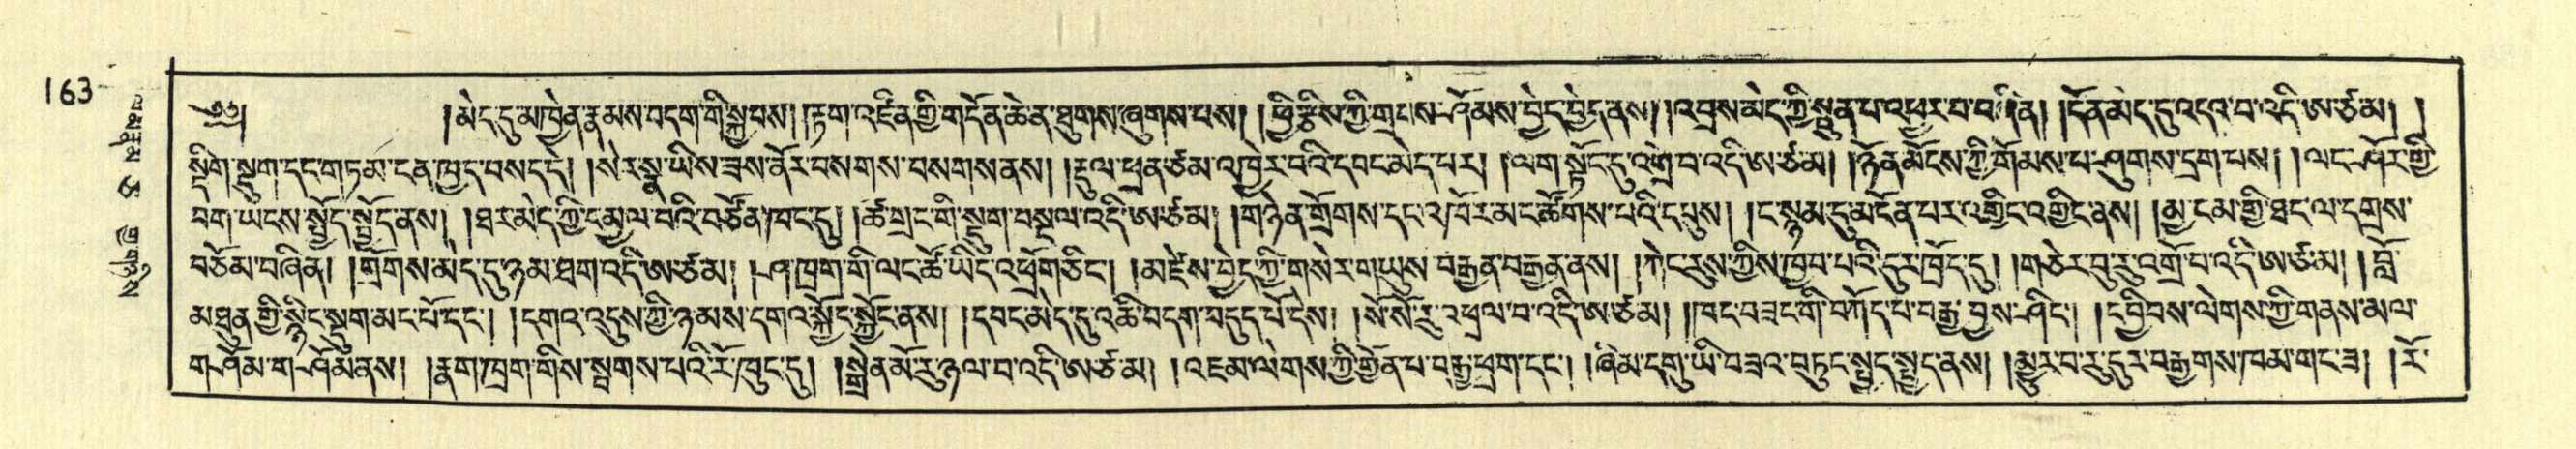༄༅། །མེད་དུ་མཁྱེན་རྣམས་བདག་གི་སྐྱབས། །རྟག་འཛིན་གྱི་གདོན་ཆེ་ན་ཐུགས་ཞུགས་པས། །ཕྱི་རྩིས་ཀྱི་གྲངས་ཤོམས་བྱེད་བྱེད་ནས། །འབྲས་མེད་ཀྱི་སྤུན་པ་འཕྱར་བ་བཞིན། །དོན་མེད་དུ་འདའ་བ་འདི་ཨ་ཙ་མ། །
སྡིག་སྡུག་དང་གཏམ་ངན་ཁྱད་བསད་དེ། །སེར་སྣ་ཡིས་ཟས་ནོར་བསགས་བསགས་ནས། །རྡུལ་ཕྲན་ཙམ་འཁྱེར་བའི་དབང་མེད་པར། །ལག་སྟོང་དུ་འགྲེ་བ་འདི་ཨ་ཙ་མ། །ཉོན་མོངས་ཀྱི་གོམས་པ་ཤུགས་དྲག་པས། །ལང་ཤོར་གྱི་
བག་ཡངས་སྤྱོད་སྤྱོད་ནས། །ཐར་མེད་ཀྱི་དམྱལ་བའི་བཙོན་ཁང་དུ། །ཚ་གྲང་གི་སྡུག་བསྔལ་འདི་ཨ་ཙམ། །གཉེན་གྲོགས་དན་འཁོར་མང་ཚོགས་པའི་དཔུས། །ང་སྙམ་དུ་མངོན་པར་འགྱིད་འགྱིང་ནས། །མྱ་ངམ་གྱི་ཐང་ལ་དགྲས་
བཅོམ་བཞིན། །གྲོགས་མེད་དུ་ཉམ་ཐག་འདི་ཨ་ཙམ། །ཤ་ཁྲག་གི་ལང་ཚོ་ཡིད་འཕྲོག་ཅིང་། །མཛེས་བྱེད་ཀྱི་གསེར་གཡུས་བརྒྱན་བརྒྱན་ནས། །ཀེང་རུས་ཀྱིས་ཁྱབ་པའི་དུར་ཁྲོད་དུ། །གཅེར་བུ་རུ་འགྲོ་པ་འདི་ཨ་ཙ་མ། །བློ་
མཐུན་གྱི་སྙིང་སྡུག་མང་པོ་དང་། །དགའ་འདུས་ཀྱི་ཉམས་དགའ་སྐྱོང་སྐྱོང་ནས། །དབང་མེད་དུ་འཆི་བདག་བདུད་པོ་དེས། །སོ་སོ་རུ་འཕྲལ་བ་འདི་ཨ་ཙམ། །ཁང་བཟང་གི་བཀོད་པ་བརྒྱ་བྱས་ཤིང་། །དབྱིབས་ལེགས་ཀྱི་གནས་མལ་
གཤོམ་གཤོམ་ནས། །རྣག་ཁྲག་གིས་སྦགས་པའི་རོ་ཁུང་དུ། །སྒྲེན་མོ་རུ་ཉལ་བ་འདི་ཨ་ཙ་མ། །འཇམ་ལེགས་ཀྱི་གྱོན་པ་བརྒྱ་ཕྲག་དང་། །ཞིམ་དགུ་ཡི་བཟའ་བཏུང་སྤྱད་སྤྱད་ནས། །མྱུར་བ་རུ་དུར་བརྒྱགས་ཁམ་གང་ཟ། །རོ་